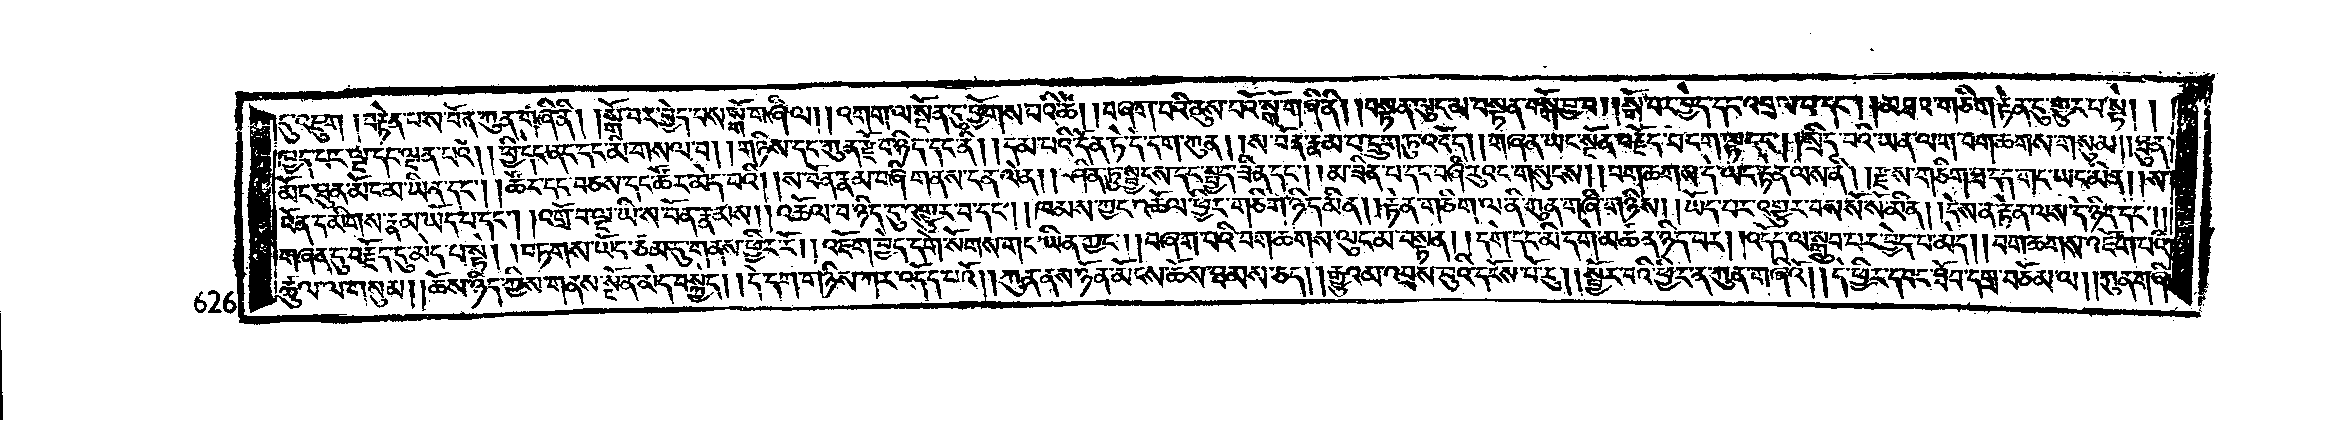དུ་འཇུག །བརྟེན་པ་ས་བོན་ཀུན་གཞི་ནི། །སྒོ་བར་བྱེད་པས་སྒོ་གཞི་ལ། །འགག་ལ་སྔོན་དུ་ཕྱོགས་པའི་ཚེ། །བཞག་པའི་ནུས་པའོ་སྒོ་གཞི་ནི། །བསྟན་ལུང་མ་བསྟན་བསྒོ་བྱ་བ། །སྒོ་བར་བྱེད་དང་འབྲེལ་བ་དང་། །མཐའ་གཅིག་རྟེན་དུ་གྱུར་པ་སྟེ། །
ཁྱད་པར་ལྔ་དང་ལྡན་པའོ། །ཕྱི་དང་ནང་དང་མི་གསལ་བ། །གཉིས་དང་ཀུན་རྫོབ་ཉིད་དང་ནི། །དམ་པའི་དོན་ཏེ་དེ་དག་ཀུན། །ས་བོན་རྣམ་པ་དྲུག་ཏུ་འདོད། །གཞན་ཡང་སྔོན་བརྗོད་བདག་ལྟ་དང་། །སྲིད་པའི་ཡན་ལག་བག་ཆགས་གསུམ། །ཐུན་
མོང་ཐུན་མོང་མ་ཡིན་དང་། །ཚོར་དང་བཅས་དང་ཚོར་མེད་པའི། །ས་བོན་རྣམ་བཞི་གནས་ངན་ལེན། །ཤིན་ཏུ་སྦྱངས་དང་སྤྱད་ཟིན་དང་། །མ་ཟིན་པ་དང་བཞི་རུའང་གསུངས། །བག་ཆགས་དེ་ཡང་རྟེན་ལས་ནི། །རྫས་གཅིག་ཐ་དད་གང་ཡང་མིན། །ས་
བོན་དམིགས་རྣམ་ཡོད་པ་དང་། །འགྲོ་བ་ལྔ་ཡི་ས་བོན་རྣམས། །འཆོལ་བ་ཉིད་དུ་འགྱུར་བ་དང་། །ཁམས་ཀྱང་འཆོལ་ཕྱིར་གཅིག་ཉིད་མིན། །རྟེན་གཅིག་ལ་ནི་ཀུན་གཞི་གཉིས། །ཡོད་པར་འགྱུར་བས་སོ་སོ་མིན། །དེས་ན་རྟེན་ལས་དེ་ཉིད་དང་། །
གཞན་དུ་བརྗོད་དུ་མེད་པ་སྟེ། །བཏགས་ཡོད་ཙམ་དུ་གནས་ཕྱིར་རོ། །འཇོག་བྱེད་དགེ་སོགས་གང་ཡིན་ཀྱང་། །བཞག་པའི་བག་ཆགས་ལུང་མ་བསྟན། །དགེ་དང་མི་དགེ་མཚན་ཉིད་པར། །འདོད་ལ་སྒྲུབ་པར་བྱེད་པ་མེད། །བག་ཆགས་འཇོག་པའི་
ཚུལ་ལ་གསུམ། །ཆོས་ཉིད་ཀྱིས་གནས་སྔོན་མེད་བསྐྱེད། །དེ་དག་གཉིས་ཀར་འདོད་པའོ། །ཀུན་ནས་ཉོན་མོངས་ཆོས་ཐམས་ཅད། །རྒྱུའམ་འབྲས་བུའི་དངོས་པོ་རུ། །སྦྱོར་བའི་ཕྱིར་ན་ཀུན་གཞིའོ། །དེ་ཕྱིར་དབང་ཐོབ་དགྲ་བཅོམ་ལ། །ཀུན་གཞི་